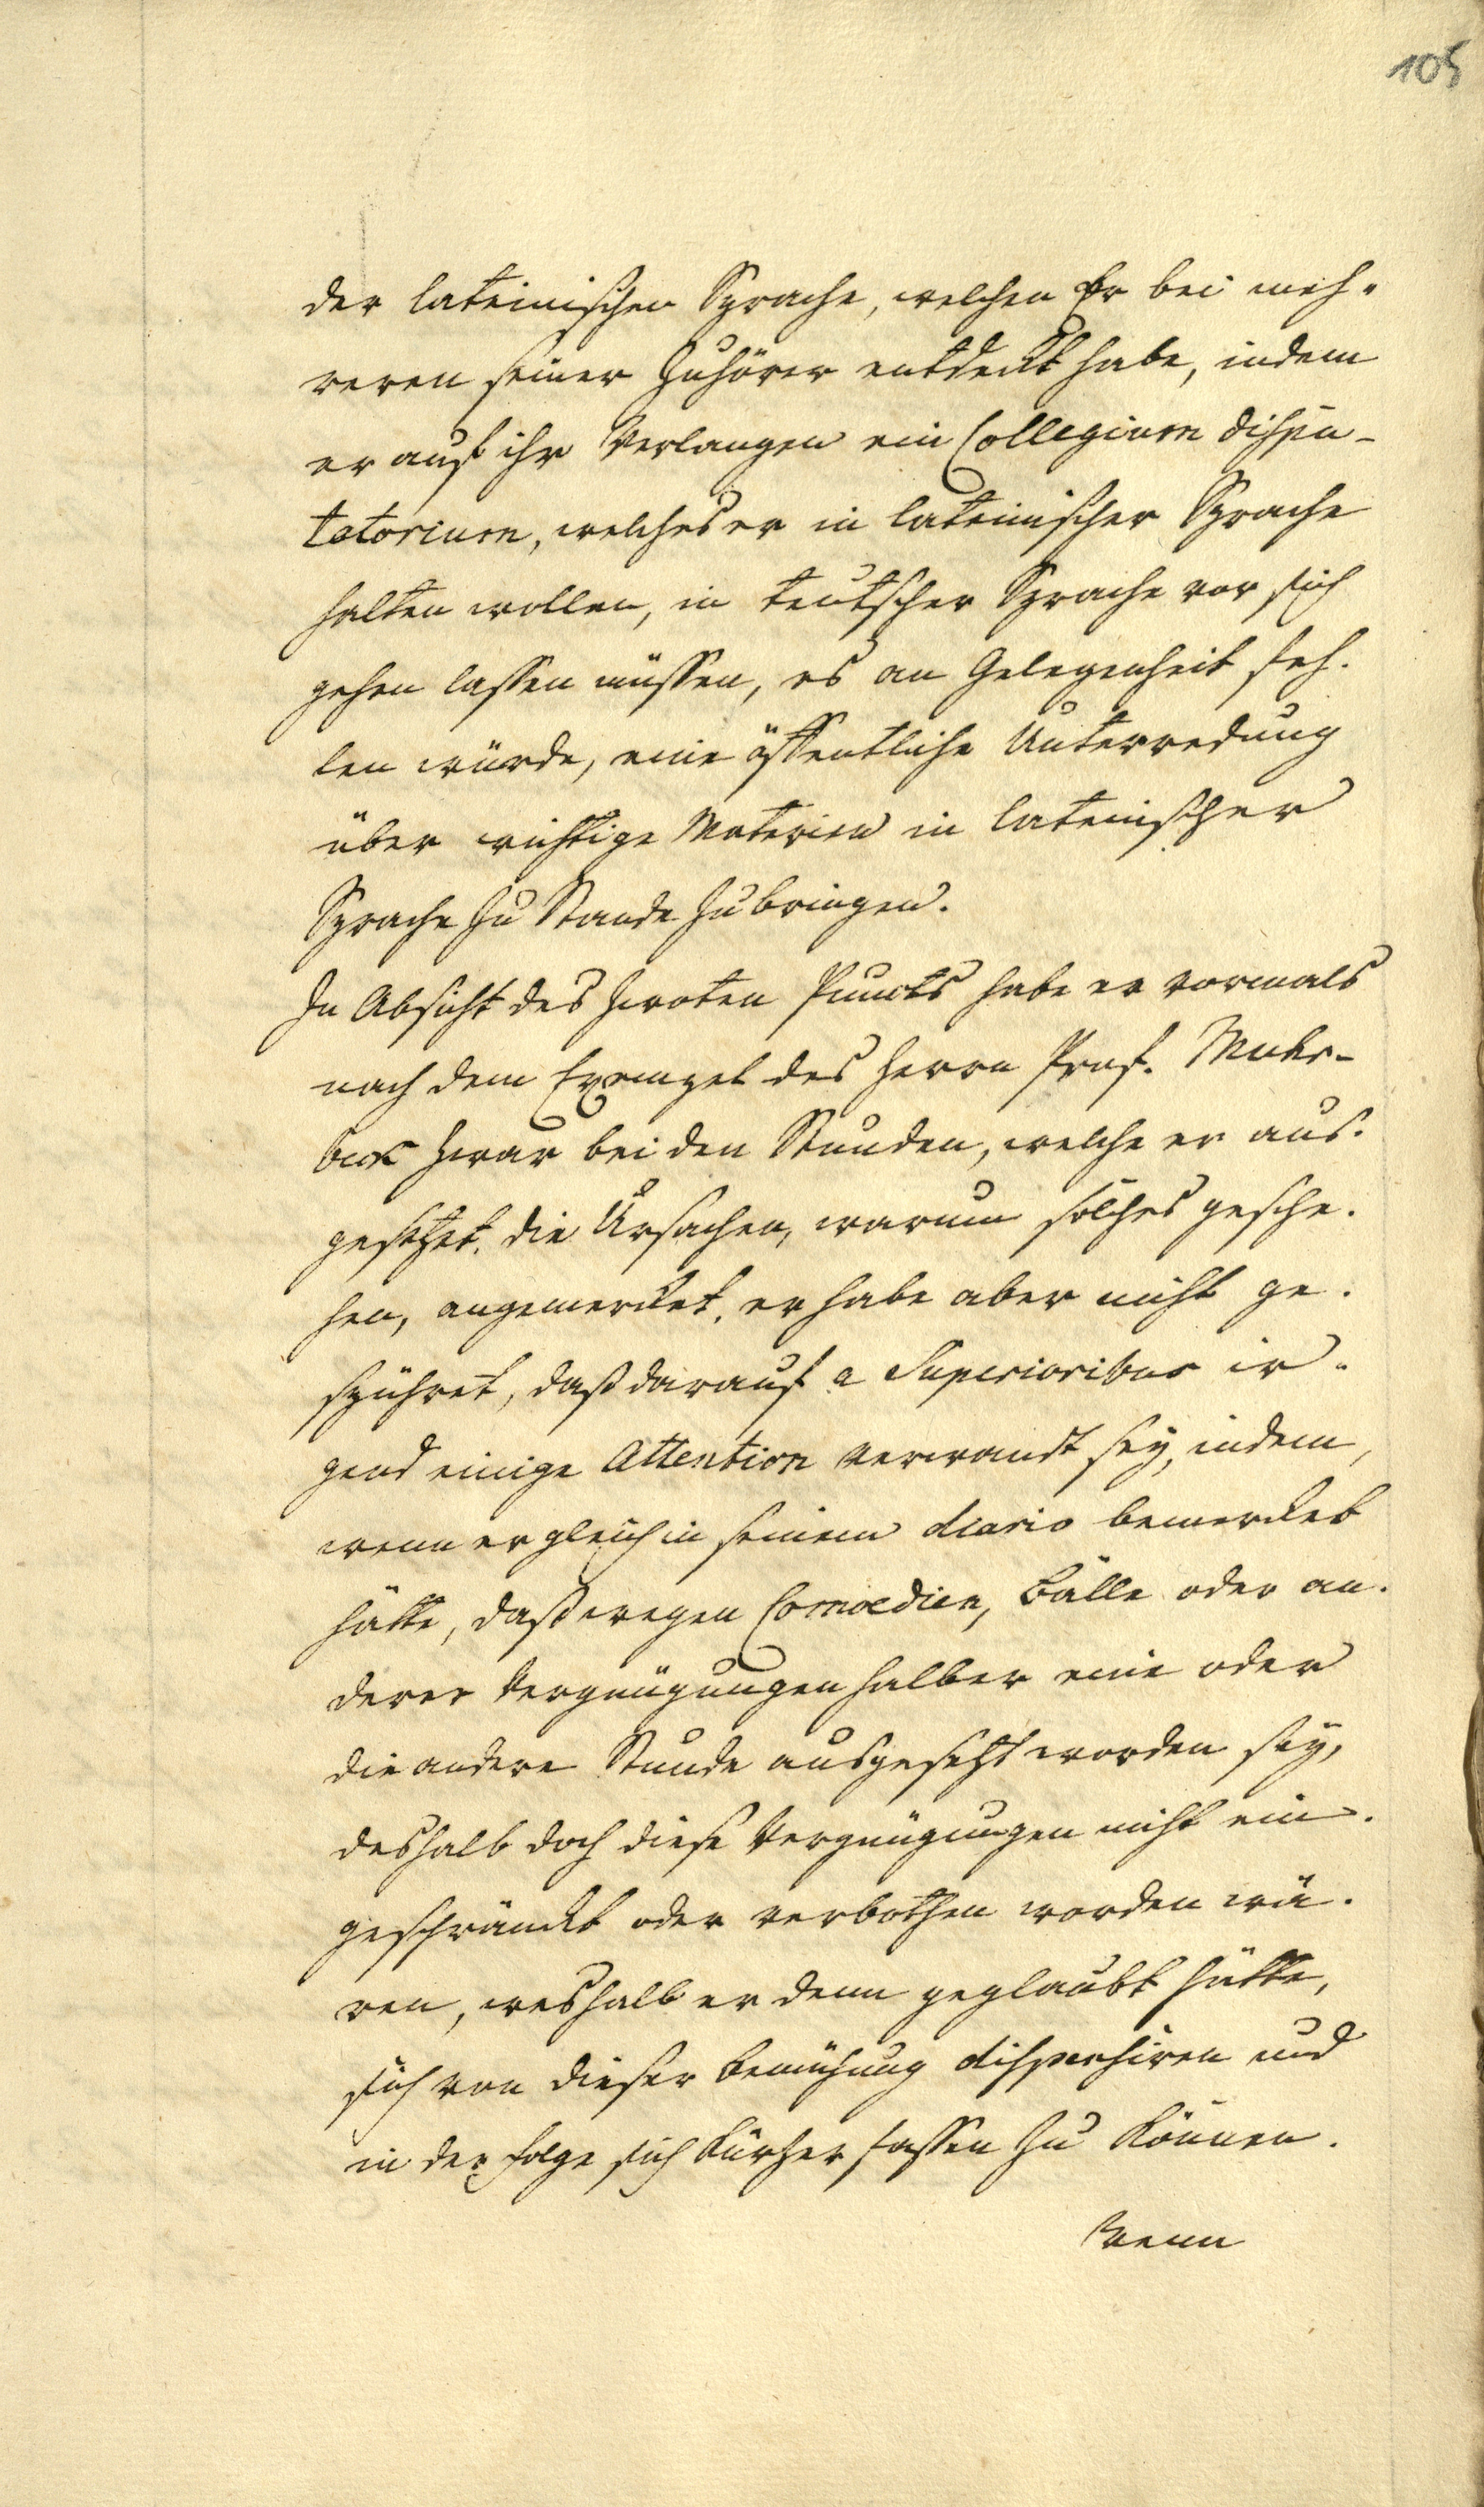der lateinischen Sprache, welchen Er bei meh¬
reren seiner Zuhörer entdeckt habe, indem
er auf ihr Verlangen ein Collegium dispu¬
tatorium, welches er in lateinischer Sprache
halten wollen, in teutscher Sprache vor sich
gehen lassen müssen, es an Gelegenheit feh¬
len würde, eine öffentliche Unterredung
über wichtige Materien in lateinischer
Sprache zu Stande zu bringen.
In Absicht des zwoten Puncts habe er vormals
nach dem Exempel des Herrn Prof. Muhr¬
beck zwar bei den Stunden, welche er aus¬
gesetzet, die Ursachen, warum solches gesche¬
hen, angemercket, er habe aber nicht ge¬
spühret, daß darauf a Superioribus ir¬
gend einige Attention verwandt seÿ, indem,
wenn er gleich in seinem diario bemercket
hätte, daß wegen Comoedien, Bälle oder an¬
derer Vergnügungen halber eine oder
die andere Stunde ausgesetzt worden seÿ,
deshalb doch diese Vergnügungen nicht ein¬
geschränckt oder verbothen worden wä¬
ren, weshalb er denn geglaubt hätte,
sich von dieser Bemühung dispensiren und
in der Folge sich kürzer fassen zu können.
Wenn